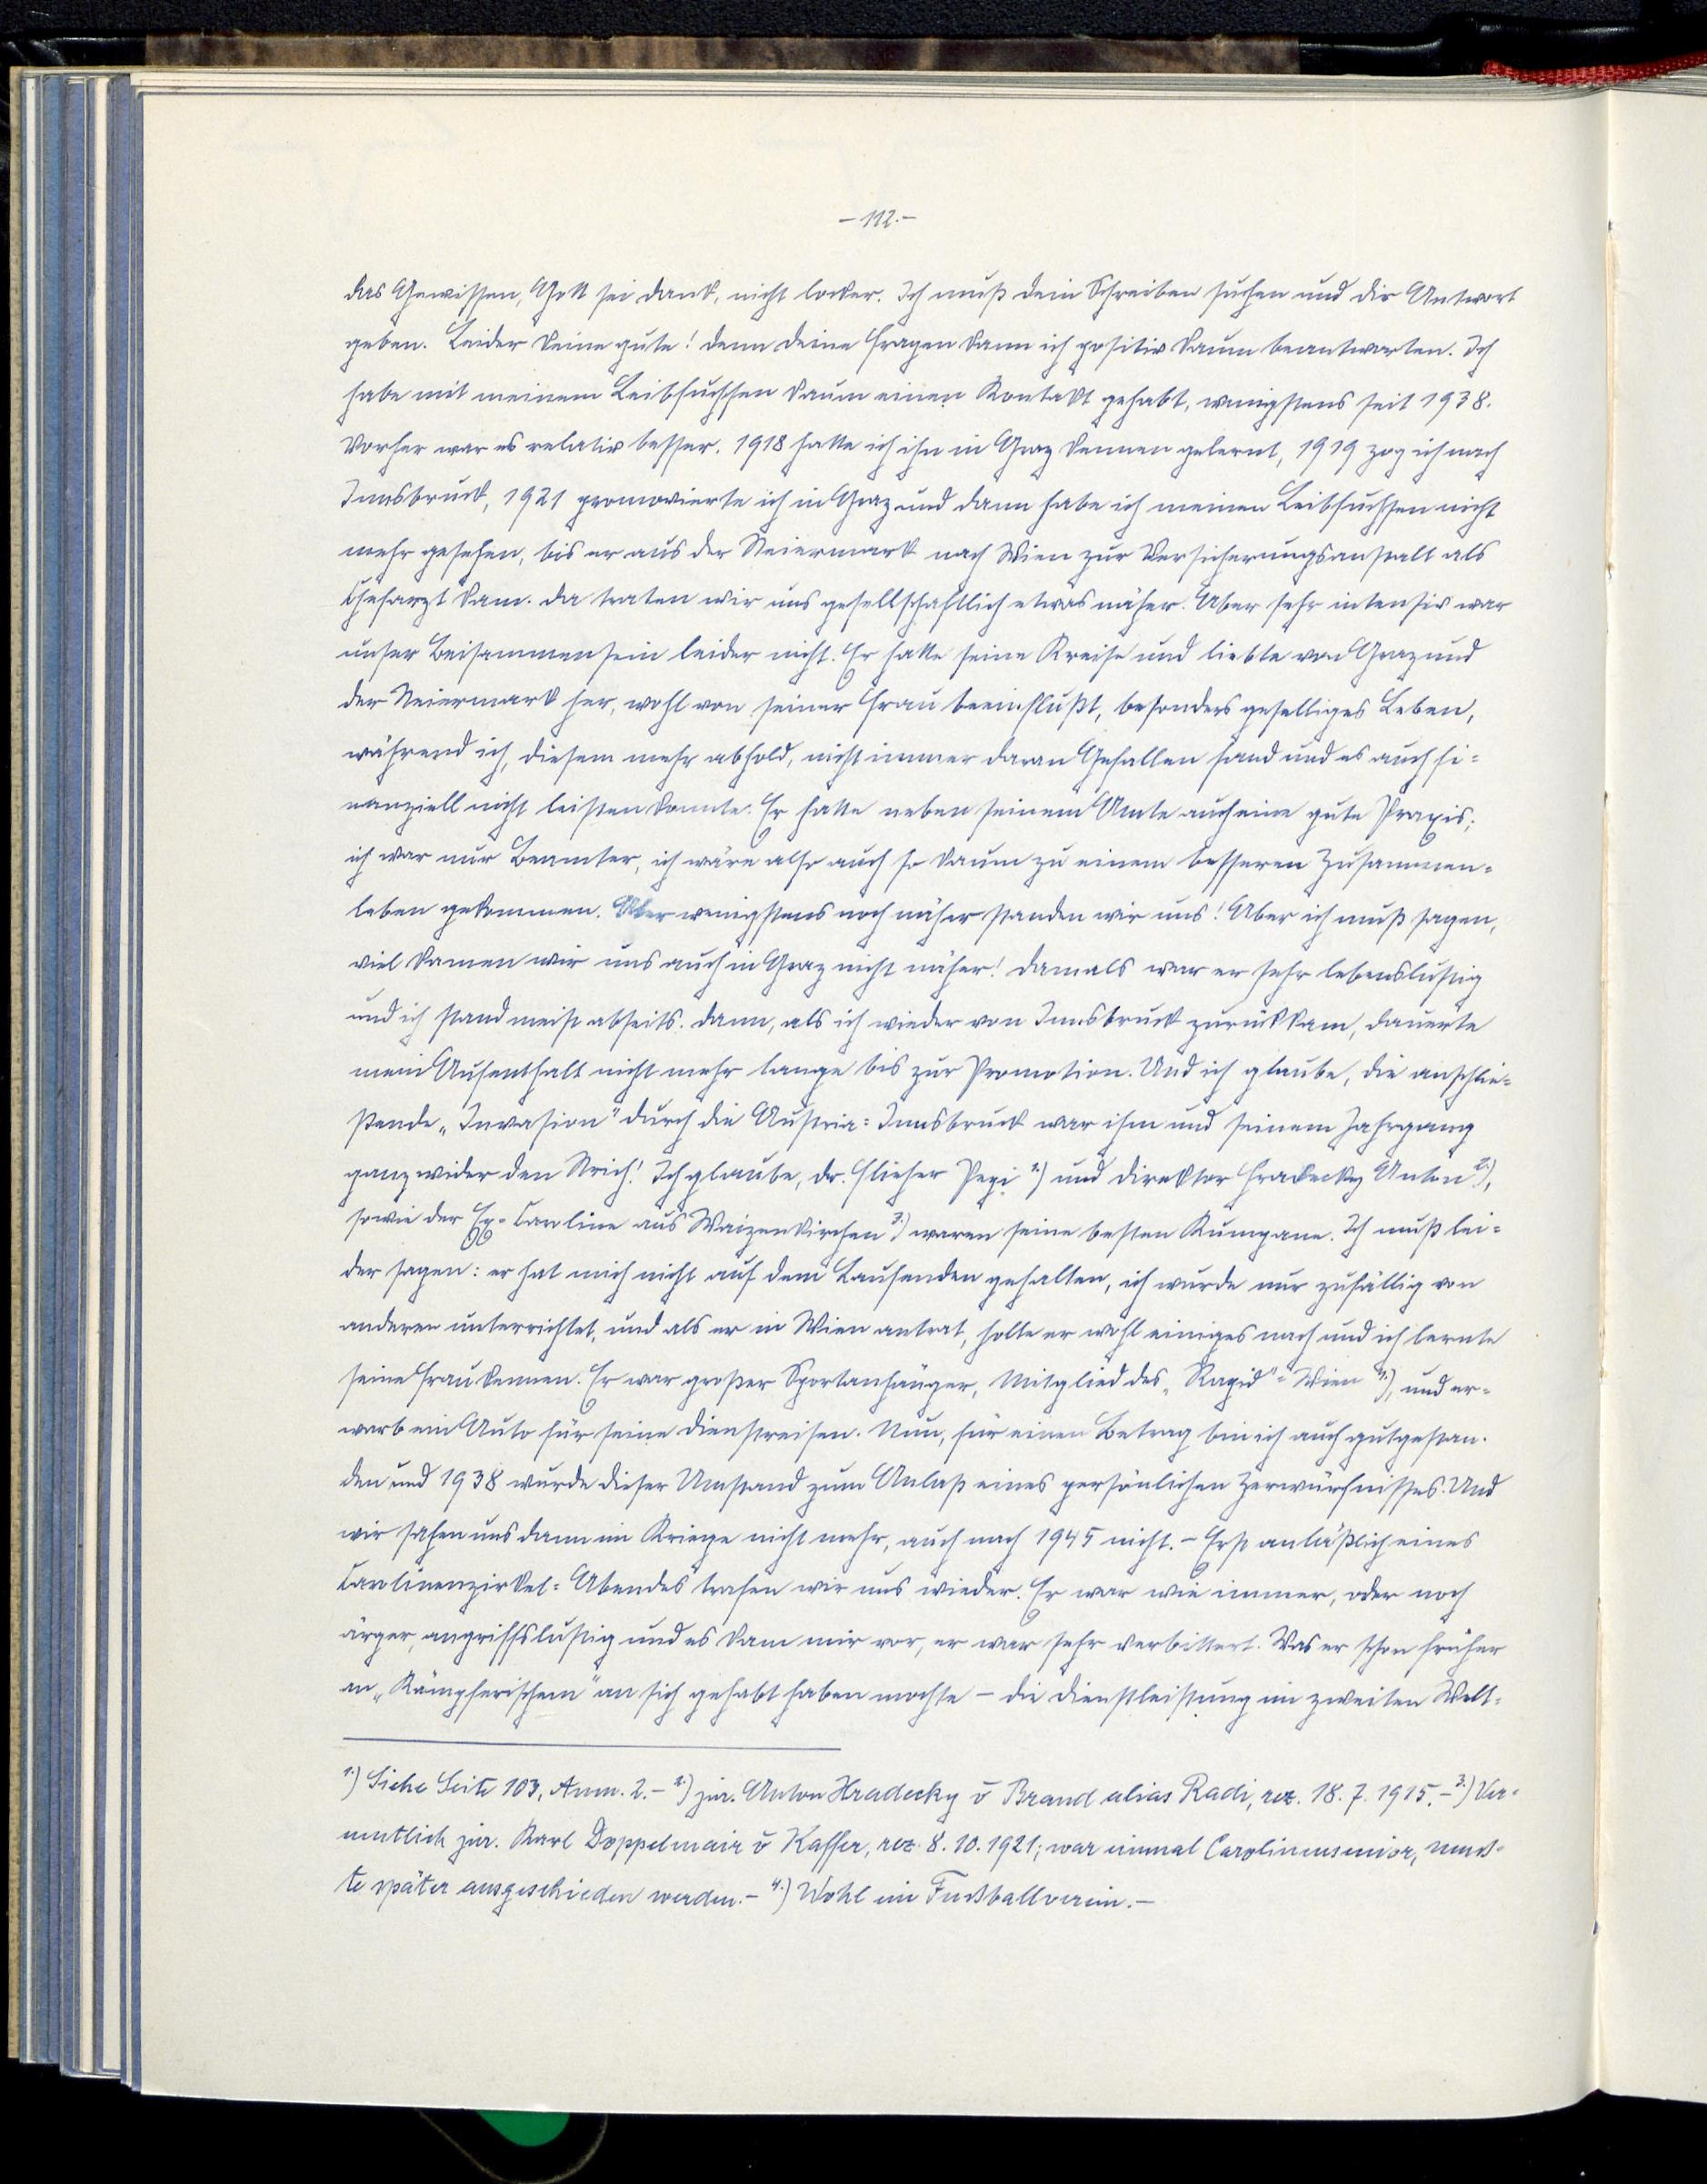112
Das Gewissen, Gott sein Dank, nicht locker. Ich muss dein Schreiben suchen und dir Antwort
geben. Leider keine gute! Denn deine Fragen kann ich positiv kaum beantworten. Ic
habe mit meinem Leibfuchsen kaum einen Kontakt gehabt, wenigstens seit 1938.
Vorfer war es relativ besser. 1918 hatte ich ihn in Graz kennen gelernt, 1919 zog ich nach
Innsbruck, 1921 promovierte ich in Graz und dann habe ich meinen Leibfuchsen nicht
mehr gesehen, bis der aus der Steiermark nach Wien zur Versicherungsanstalt als
Chefarzt kam. Da traten wir uns gesellschaftlich etwas näher. Aber sehr intensiv war
unser Beisammensein leider nicht. Er hatte seine Kreise und liebte von Graz und
der Steiermark her, wohl von seiner Frau beeinflußt, besonders geselliges Leben,
während ich diesem mehr abhold, nicht immer daran Gefallen fand und es auch fi-
nanziell nicht leisten konnte. Er hatte neben seinem Amte auch eine gute Praxis;
ich war nur Beamter, ich wäre also auch so kaum zu einem bessere Zusammen-
leben gekommen. Aber wenigstens noch näherstanden wir uns! Aber ich muss sagen,
viel kamen wir uns auch in Graz nicht näher! Damals war er sehr lebenslustig
und ich stand meist abseits. Dann, als ich wieder von Innsbruck zurükkam, dauerte
mein Aufenthalt nicht mehr lange bis zur Promotion. Und ich glaube, die anschlie-
ßende „Invasion" durch die Austria:-Innsbruck war ihm und seinem Jahrgang
ganz wieder den Strich! Ich glaube, Dr. Flieher Pepi 1) und Direktor Hradecky Anton 2)
sowie der Ex- Caroline aus Waizenkirchen 3) waren seine besten Kumpane. Ich muß lei-
der sagen: er hat mich nicht auf dem Laufenden gehalten, ich wurde nur zufällig von
anderen unterrichtet, und als er in Wien antrat, holte er wohl einiges nach und ich lernte
seine Frau kennen. Er war großer Sportanhänger, Mitglied des "Rapid"-Wien 3) und er-
warb ein Auto für seine Dienstreisen. Nun, für einen Beitrag bin ich auch gutgestan-
den und 1938 wurde dieser Umstand zum Anlaß eines persönlichen Zerwürfnisses und
wir sahen uns dann im Kriege nicht mehr, auch nach 1945 nicht. - Erst anlässlich eines
Carolinenzirkel- Abendes trafen wir uns wieder. Er war wie immer, oder noch
ärger, angriffslustig, und es kam mir vor, er war sehr verbittert. Was er schon früher
an „Kämpferischen“ an sich gehabt haben mochte - die Dienstleistung im zweiten Welt-
1) Siehe Seite 103, Anm.- 2. ) iur. Anton Hradecky v/o Brand alias Radi, rez. 18. 7.1915. 3) Ver-
mentlich iur. Karl Doppelmair v/0 Kaffer, rez. 8. 101921, war einmal Carolinensenior, muß-
te später ausgeschieden werden.- 2) Wohl ein Fußballverein.